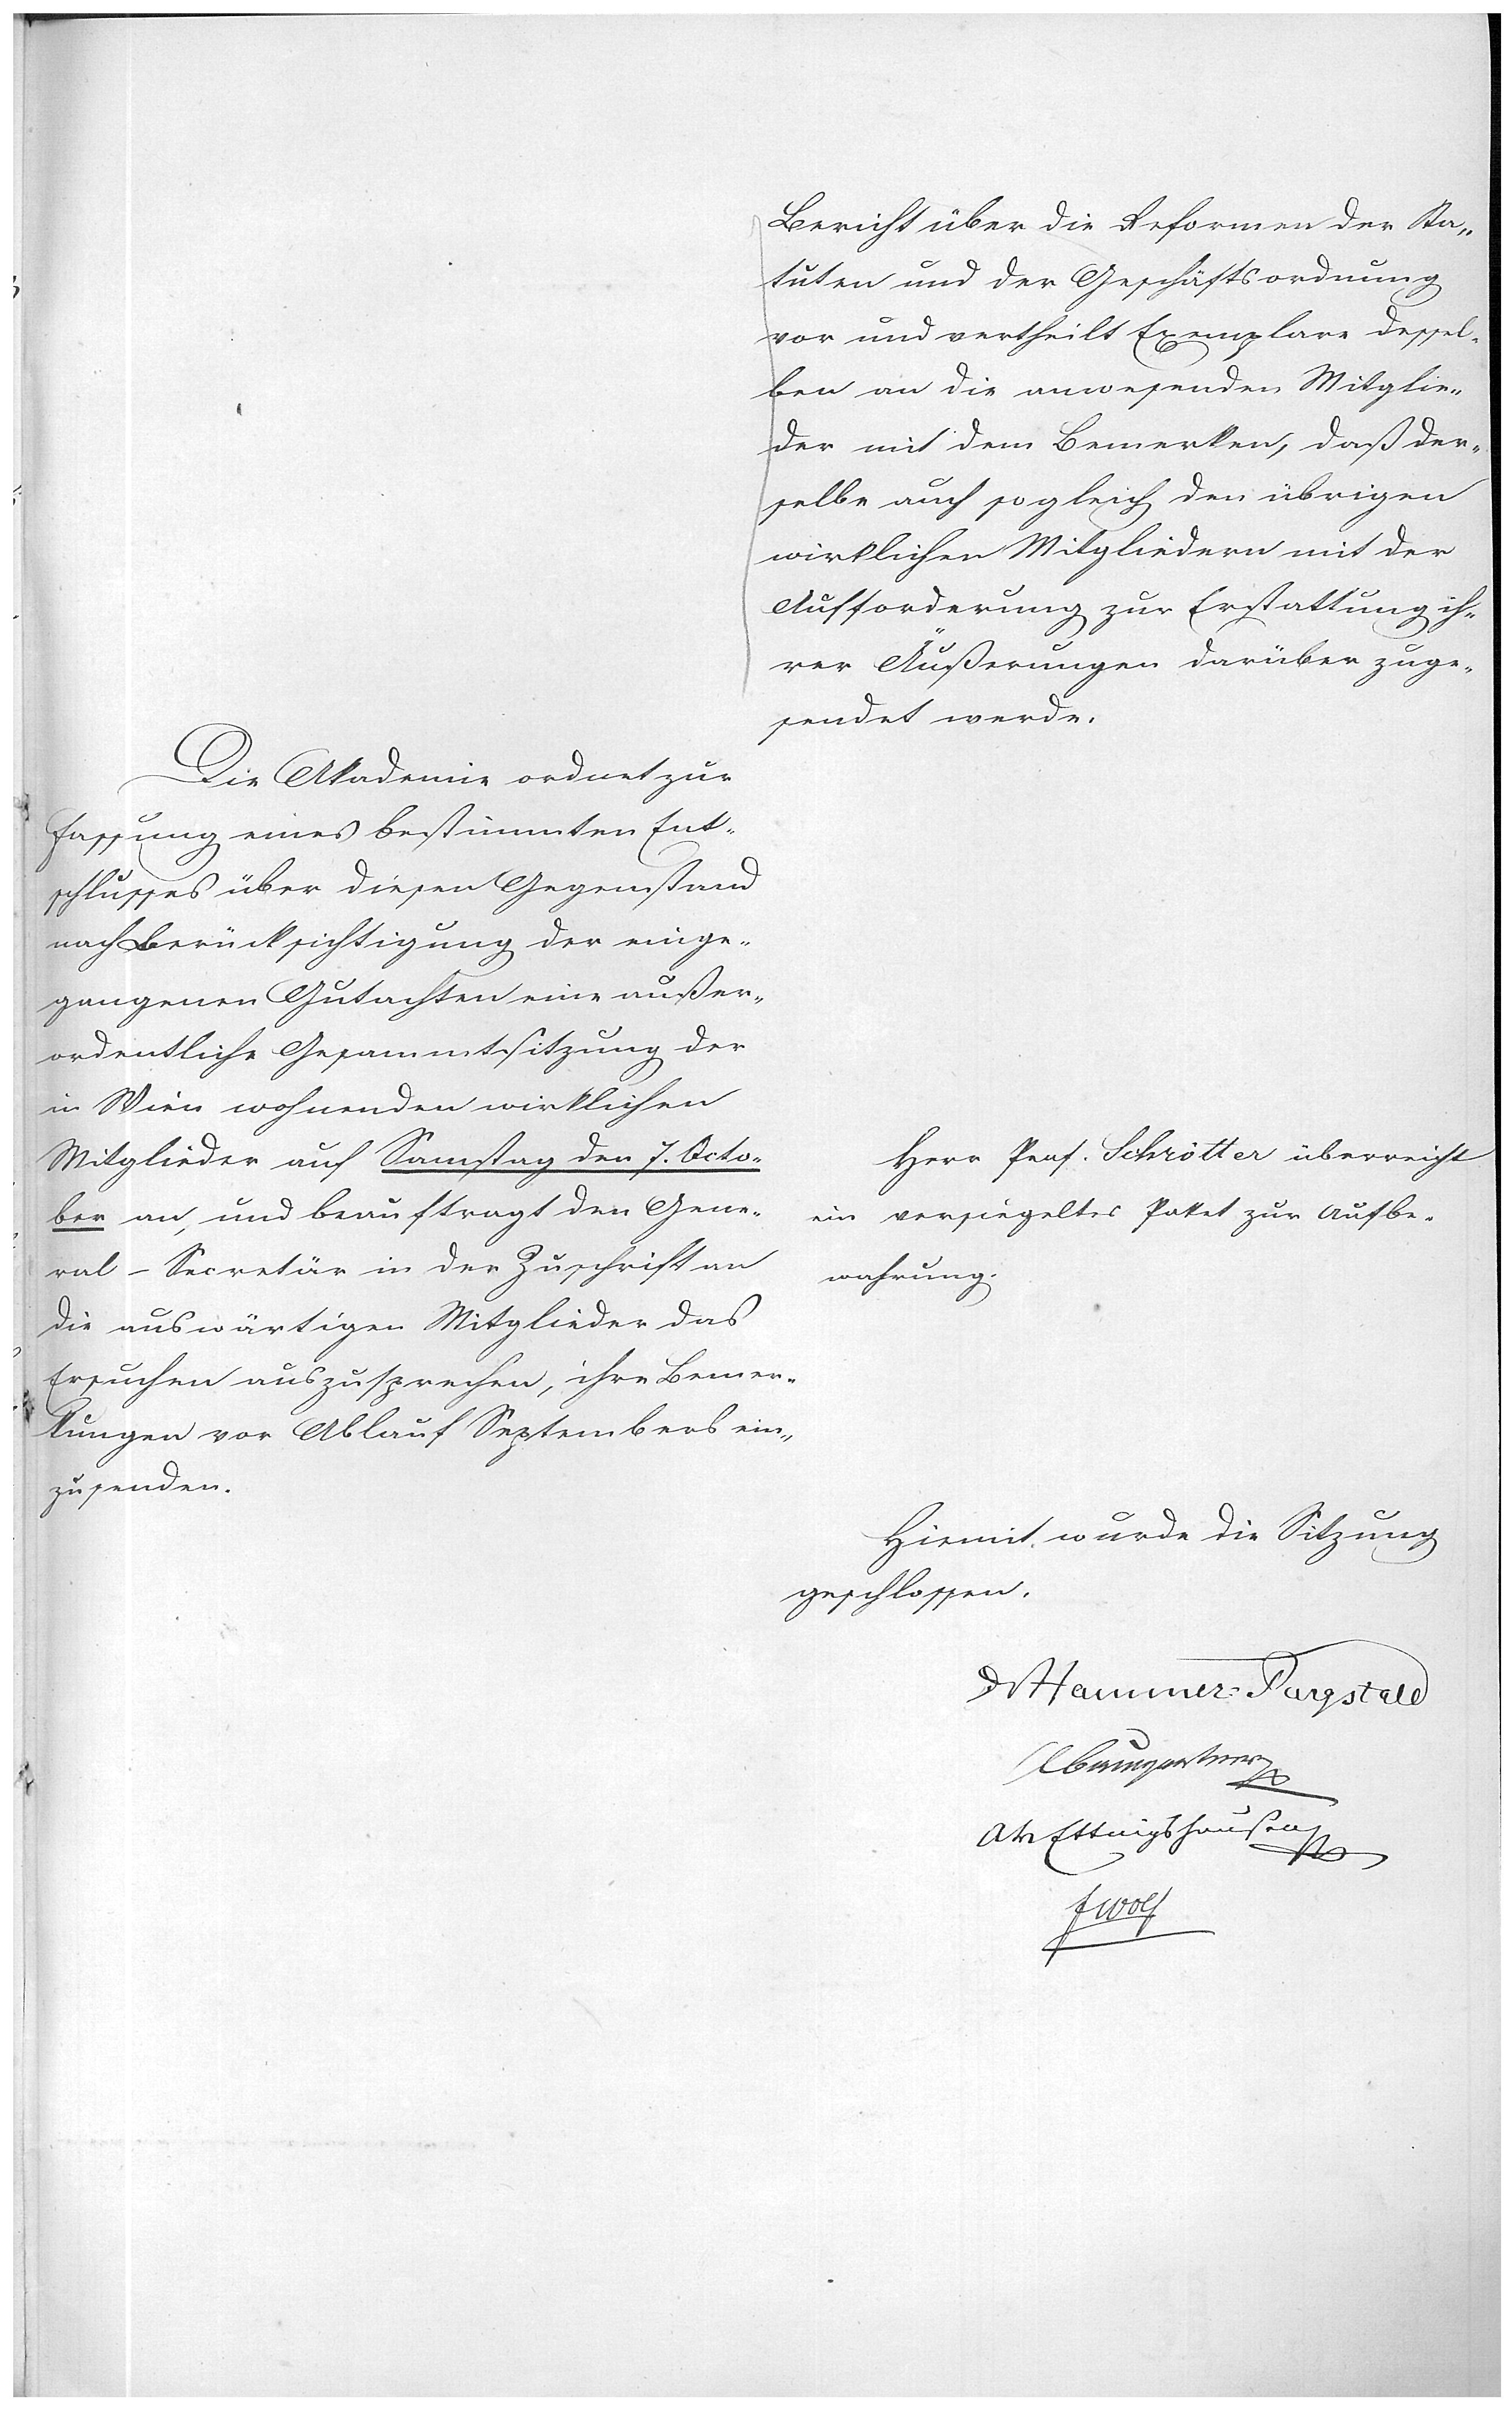Bericht über die Refornen der Sta-
tuten und der Geschäftsordnung
vor und vertheilt Exemplar dessel-
ben an die anwesenden Mitglie-
der mit dem Bemerken, daß der-
selbe auch sogleich den übrigen
wirklichen Mitgliedern mit der
Aufforderung zur Erstattung ih-
rer Äußerungen darüber zuge-
sendet werde.
Da Akademie ordnet zur
Fassung eines bestimmte Ent-
schlusses über diesen Gegenstand
nach Berücksichtigung der einge-
gangenen Gutachten eine außer-
ordentliche Gesamtsitzung der
im Wien wohnenden wirklichen
Mitglieder auf Samstag den 7. Octo-.
ber an und beauftragt den Gene-
ral-Secretär in der Zuschrift an
die auswärtigen Mitglieder das
Ersuchen auszusprechen, ihre Bemer-
kungen vor Ablauf Septembers ein-
zusenden.
Herr Prof. Schrötter überreicht
ein versiegeltes Paket zur Aufbe-
wahrung.
Hiemit wurde die Sitzung
geschlossen.
v.Hammer-Purgstall
ABaumgartner
AvEttingshausen
FWolf